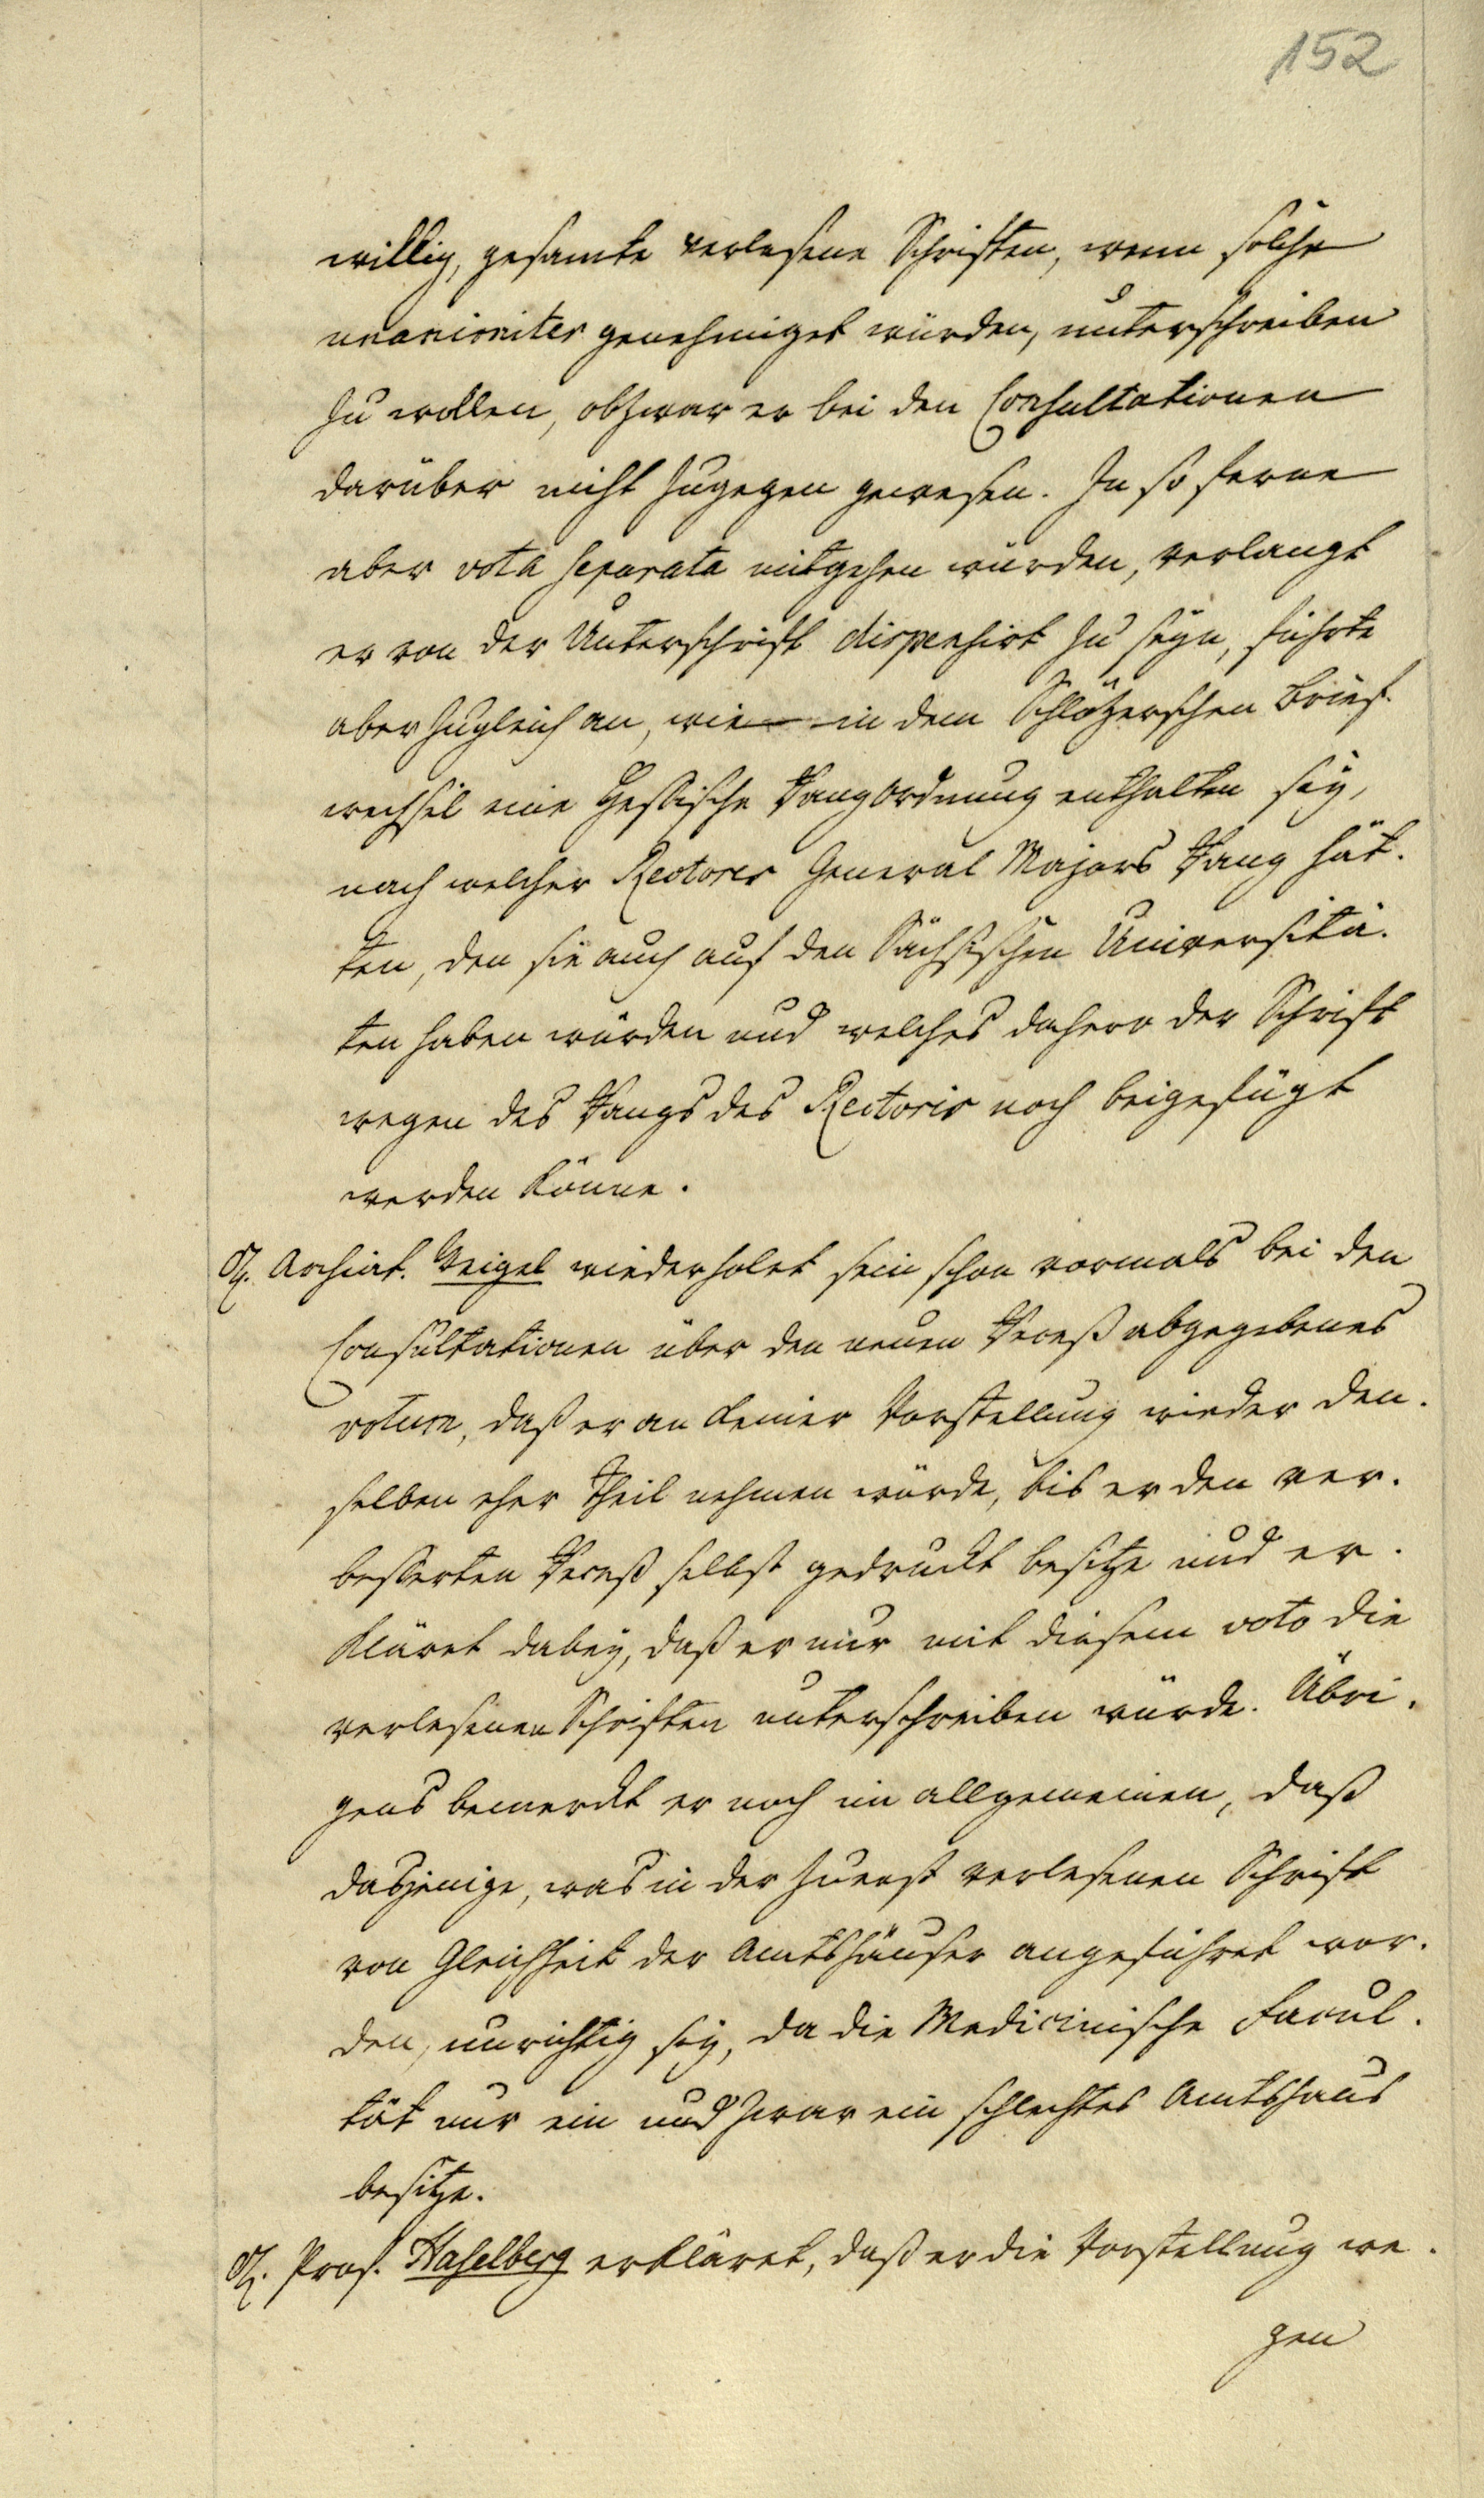willig, gesamte verlesene Schriften, wenn solche
unanimiter genehmiget würden, unterschreiben
zu wollen, obzwar er bei den Consultationen
darüber nicht zugegen gewesen. In so ferne
aber vota separata mitgehen würden, verlangt
er von der Unterschrift dispensirt zu seÿn, führte
aber zugleich an, wie in dem Schlözerschen Brief¬
wechsel eine Hessische Rangordnung enthalten seÿ,
nach welcher Rectores General Majors Rang hät¬
ten, den sie auch auf den Sächsischen Universitä¬
ten haben würden und welches dahero der Schrift
wegen des Rangs des Rectoris noch beigefügt
werden könne.
dh. Archiat. Weigel wiederholet sein schon vormals bei den
Consultationen über den neuen Receß abgegebenes
votum, daß er an keiner Vorstellung wieder den¬
selben eher Theil nehmen würde, bis er den ver¬
besserten Receß selbst gedruckt besitze und er¬
kläret dabey, daß er nur mit diesem voto die
verlesenen Schriften unterschreiben würde. Übri¬
gens bemerckt er noch im allgemeinen, daß
dasjenige, was in der zuerst verlesenen Schrift
von Gleichheit der Amtshäuser angeführet wor¬
den, unrichtig seÿ, da die Medicinische Facul¬
tät nur ein und zwar ein schlechtes Amtshaus
besitze.
dh. Prof. Haselberg erkläret, daß er die Vorstellung we¬
gen